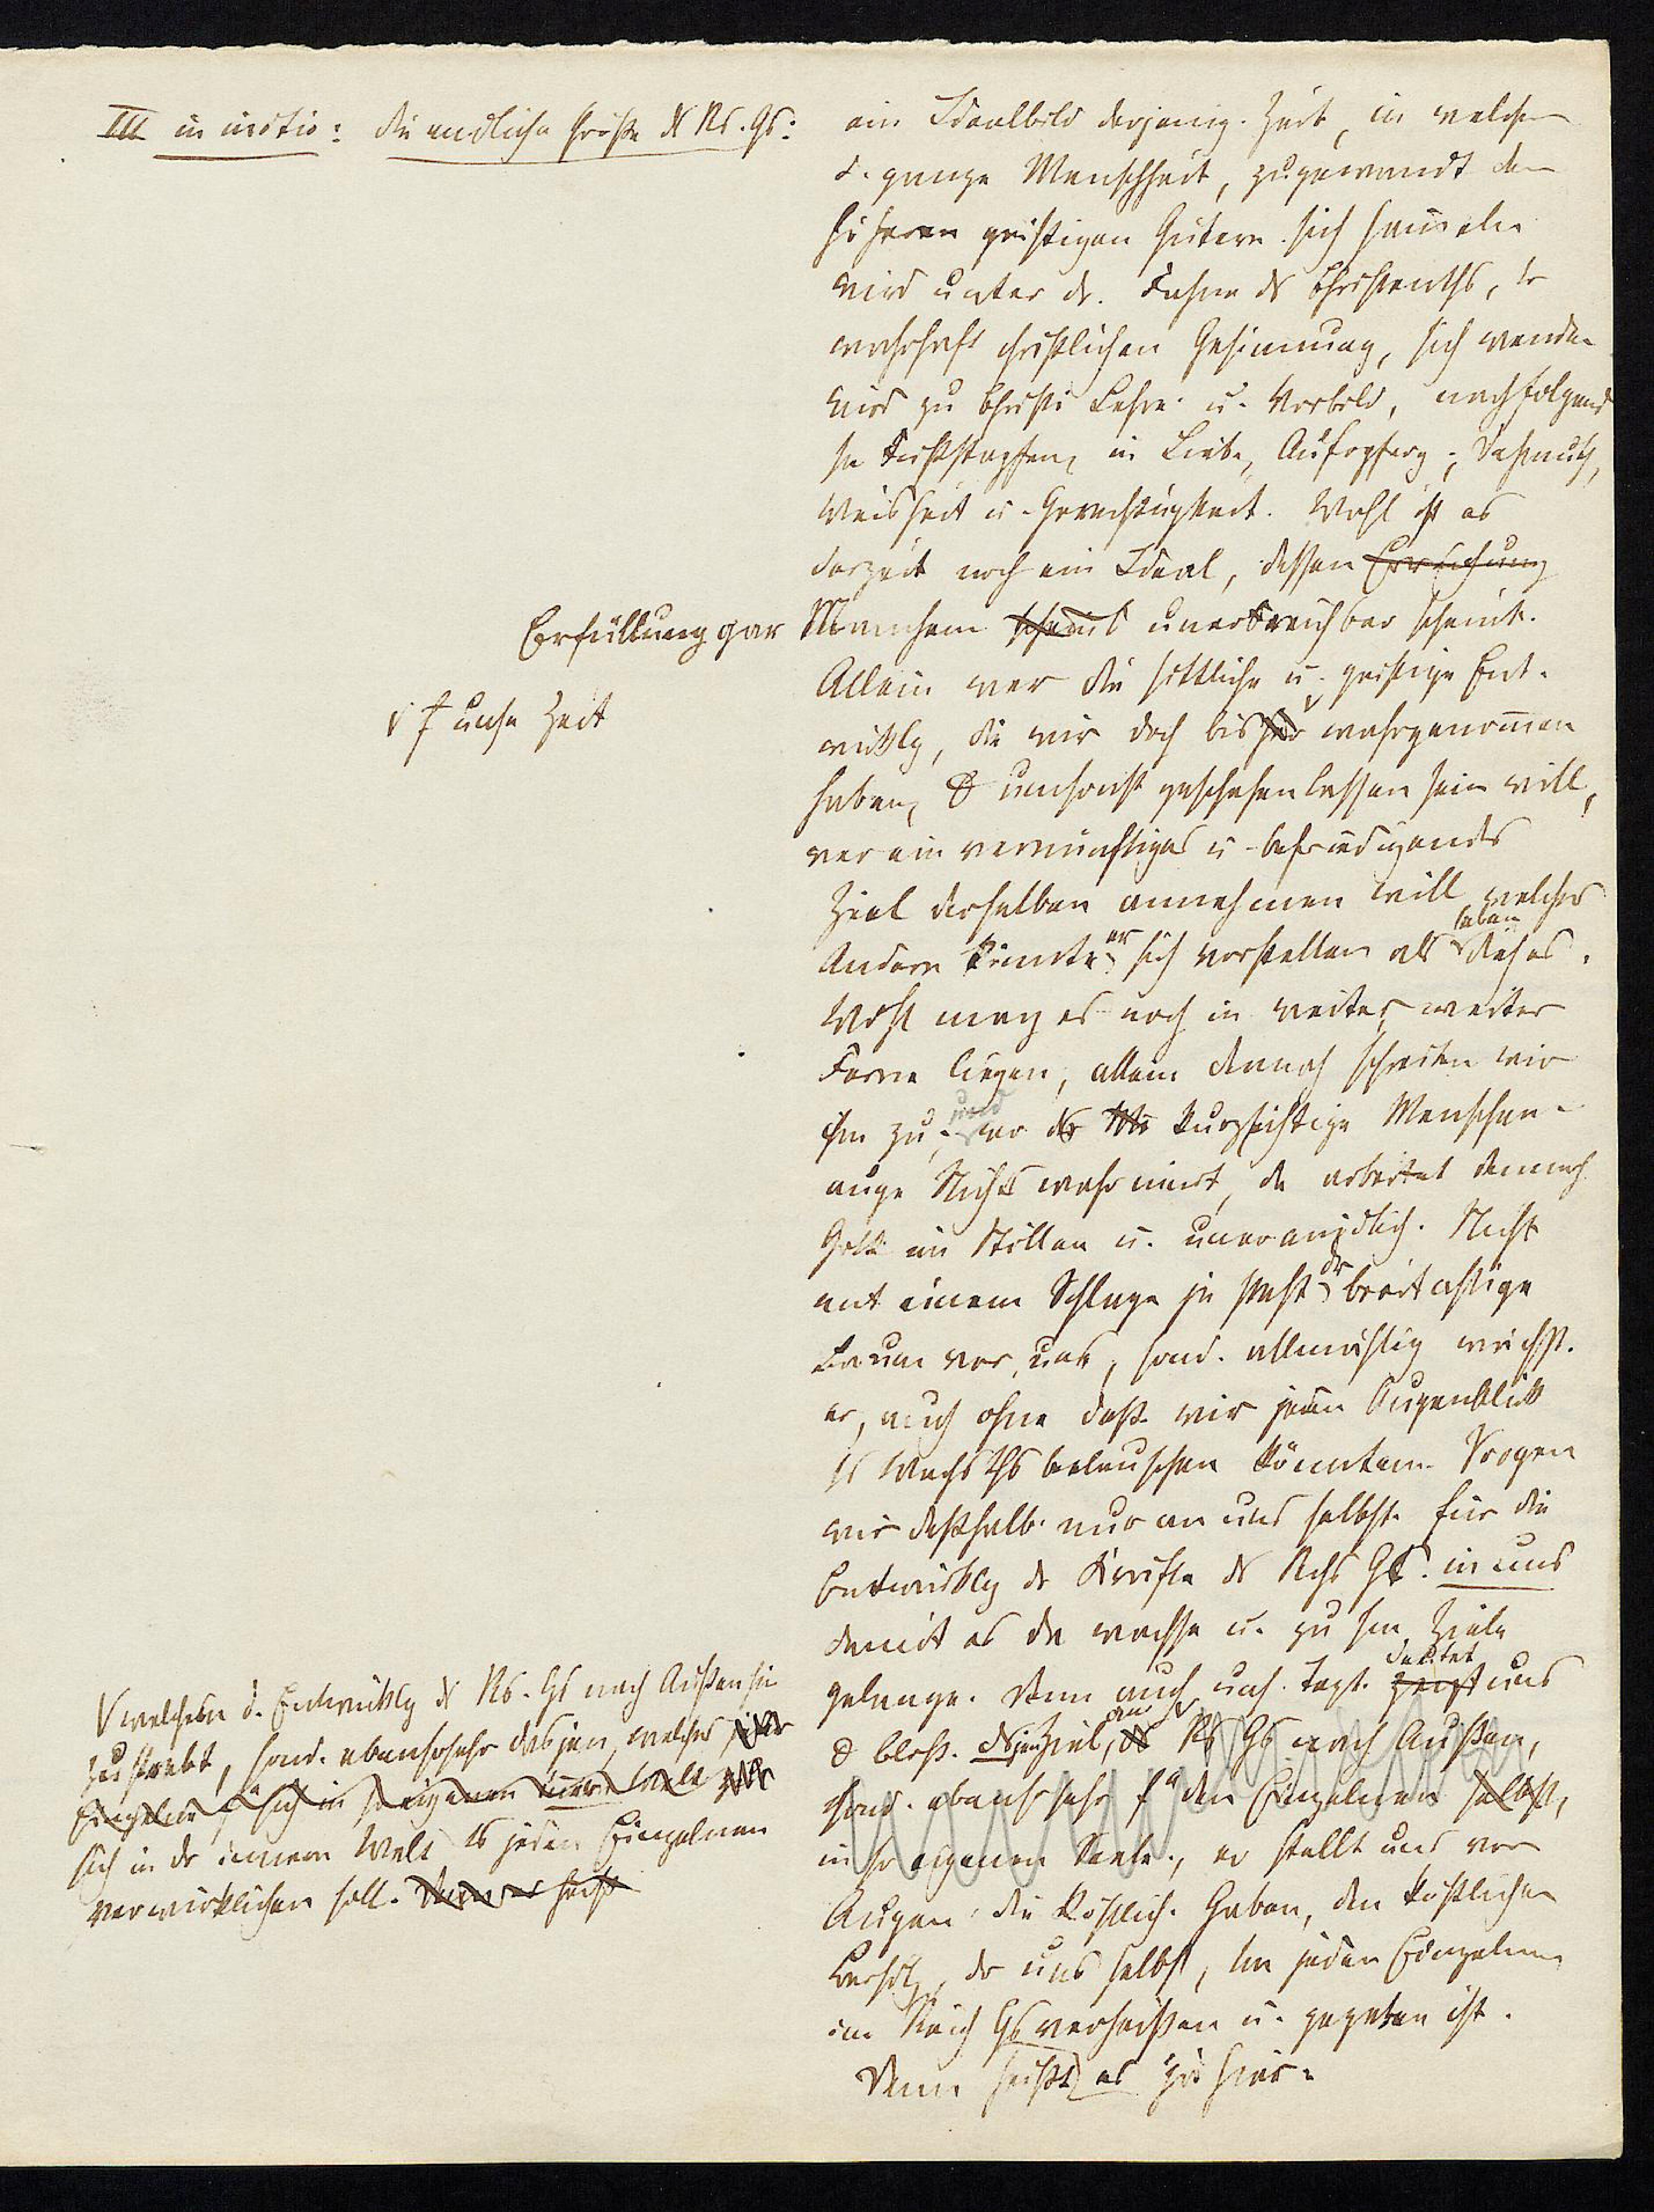III in initio: die endliche Größe ds Rs Gs:
Erfüllung gar
V f unsr Zeit
V welchren d. Entwicklg ds Rs. Gs nach Außen sie
zustrebt, sond. ebensosehr desjen, welches ja der
Einzelne fü sich in sm eigenen tun soll zu
sich in dr inneren Welt 1s jeden Einzelnen
verwirklichen soll. Denn es heißt
ein Idealbild derjenig. Zeit, in welcher
d. ganze Menschheit, zugewandt denn
höheren geistigen Gütern sich sameln
wird unter dr. Fahne ds Christenths, dr.
wahrhaft christlichen Gesinnung, sich wenden
wird zu Christi Lehr u. Vorbild, nachfolgend
sn Fußstapfen, in Liebe, Aufopferg, Dehmuth,
Weisheit u. Gerechtigkeit. Wohl ist es
derzeit noch ein Ideal, dessen Erreichung
Menschen scheint unersreichbar scheinte.
Allein war die sittliche u. geistige Ent¬
wicklg, die wir doch bisher wahrgenomen
haben, o umsonst geschehen lassen sein will,
war ein vernünftiges u. befriedigendes
Ziel derselben annehmen will welches
leben
er
Andern könnte sich vorstellen als dieses.
Wohl mag es noch in weiter weiter
Ferne liegen, allein dennoch schreiben wir
und
ihm zu wo ds Mn kurzfristige Menschen¬
auge Nichts wahrnimmt, da verbreitet dennoch
Gott im Stillen u. unermüdlich. Nicht
mit einem Schlage ja stehts breiastig
Baum voraus, sond. allmächtig wächst
er, auch ohne daß wir jeden Augenblick
ss Wachsths haben sehen könnten. Sorgen
wir deßhalb nur an uns selbst für die
Entwicklg ds. Rchs. Gs. in uns
damit es da wachse u zu sm Ziele
gelange. Denn auch uns. Text zeigt uns
am
o bloß ds 1ne Ziel, ds Rs Gs nach Außen,
sond. ebenso sehr fü den Einzelnen selbst,
in sr eigenen Seele., er stellt uns vor
Augen: die köstliche Gaben, den köstlichen
Besitz, der uns selbst, 1m jeden Einzelnen,
im Reich Gs. verheißen u. gegeben ist.
Denn heißt es ja hier: